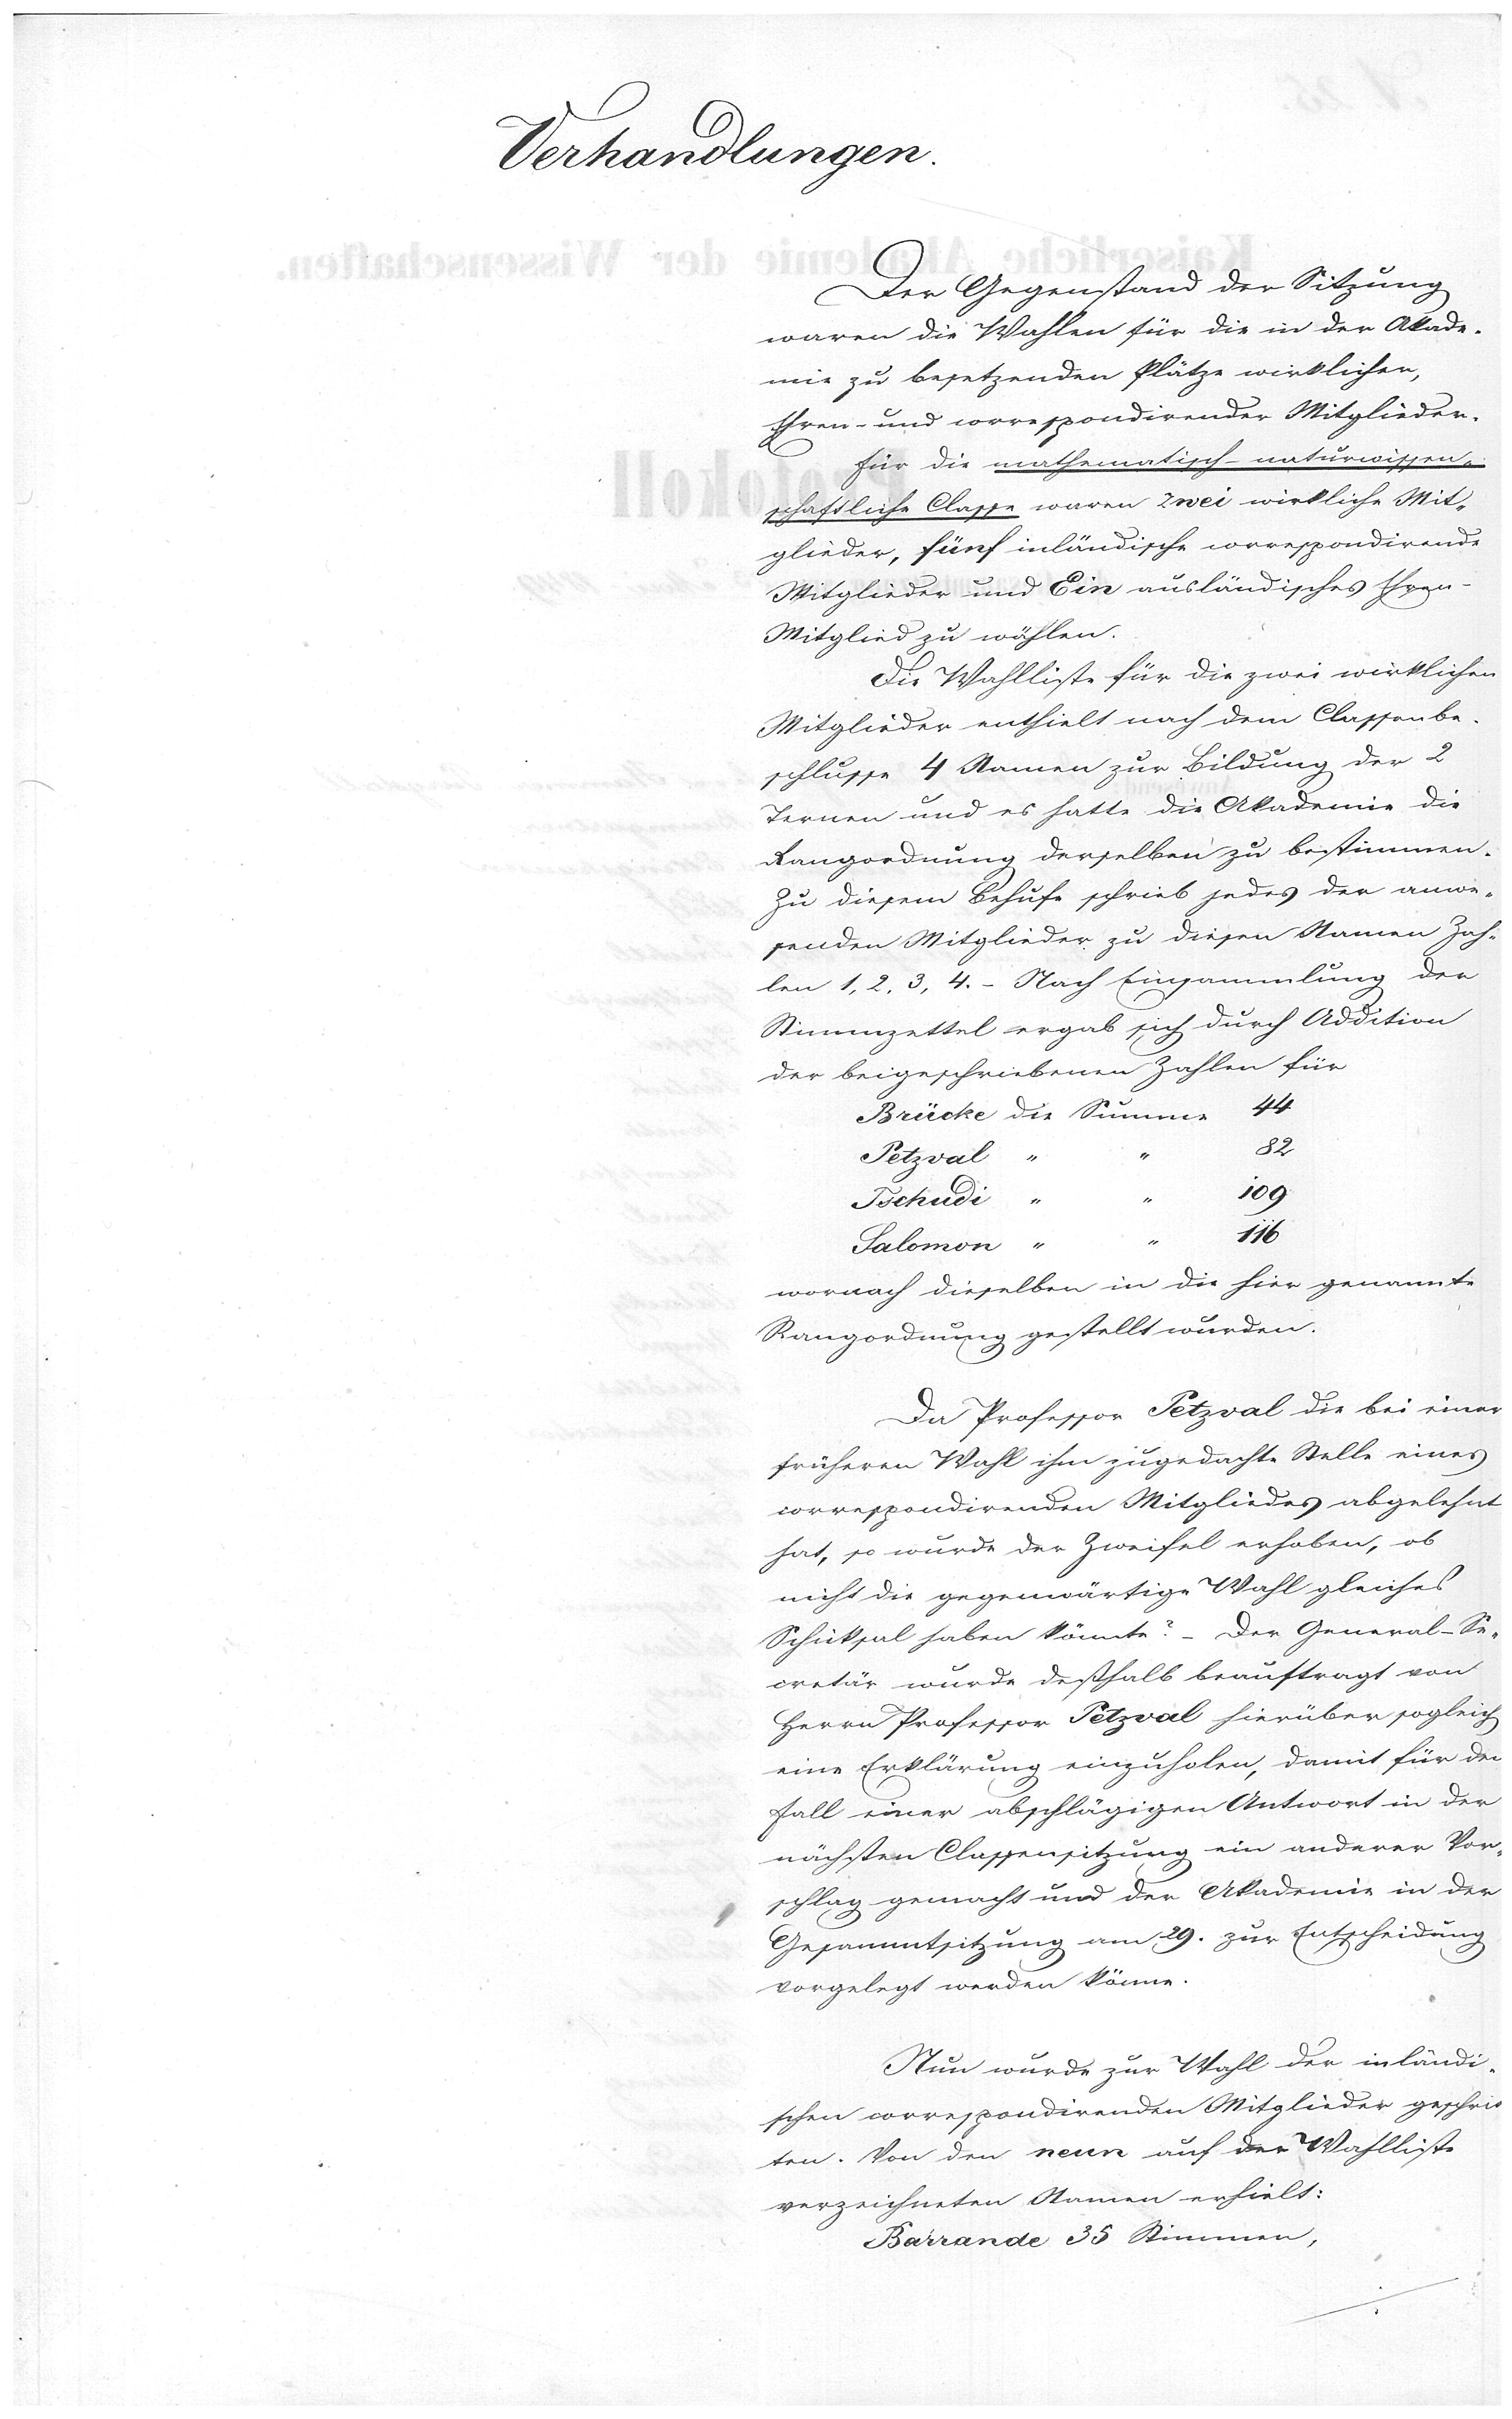Verhandlungen.
Der Gegenstand der Sitzung
waren die Wahlen für die in der Akade-
mie zu besetzenden Plätze wirklichen,
Ehren- und correspondirender Mitglieder.
Für die mathematisch-naturwissen-
schaftliche Classe waren zwei wirklichen Mit-
glieder, fünf inländische correspondirende
Mitglieder und Ein ausländisches Ehren-
Mitglied zu wählen.
Die Wahlliste für die zwei wirklichen
Mitglieder enthielt nach dem Classenbe-
schlusse 4 Namen zur Bildung der 2
Ternen und es hatte die Akademie die
Rangordnung derselben zu bestimmen.
Zu diesem Behufe schrieb jedes der anwe-
senden Mitglieder zu diesen Namen Zah-
len 1, 2, 3, 4.- Nach Einsammlung der
Stimmzettel ergab sich durch Addition
der beigeschriebenen Zahlen für
Brücke die Summe 44
Petzval " " 82
Tschudi " " 109
Salomon " " 116
wornach dieselben in die hier genannte
Rangordnung gestellt wurden.
Das Professor Petzval die bei einer
früheren Wahl ihm zugedacht Stelle eines
correspondirenden Mitgliedes abgelehnt
hat, so wurde der Zweifel erhoben, ob
nicht die gegenwärtige Wahl gleiches
Schicksal haben könnte? Der General-Se-
cretär wurde deßhalb beauftragt von
Herrn Professor Petzval hierüber sogleich
eine Erklärung einzuholen, damit für den
Fall einer abschlägigen Antwort in der
nächsten Classensitzung ein anderer Vor-
schlag gemacht und der Akademie in der
Gesammtsitzung am 29. zur Entscheidung
vorgelegt werden könne.
Nun wurde zur Wahl der inländi-
schen correspondirenden Mitglieder geschrit-
ten. Von den neun auf der Wahlliste
verzeichneten Namen erhielt:
Barrande 35 Stimmen,